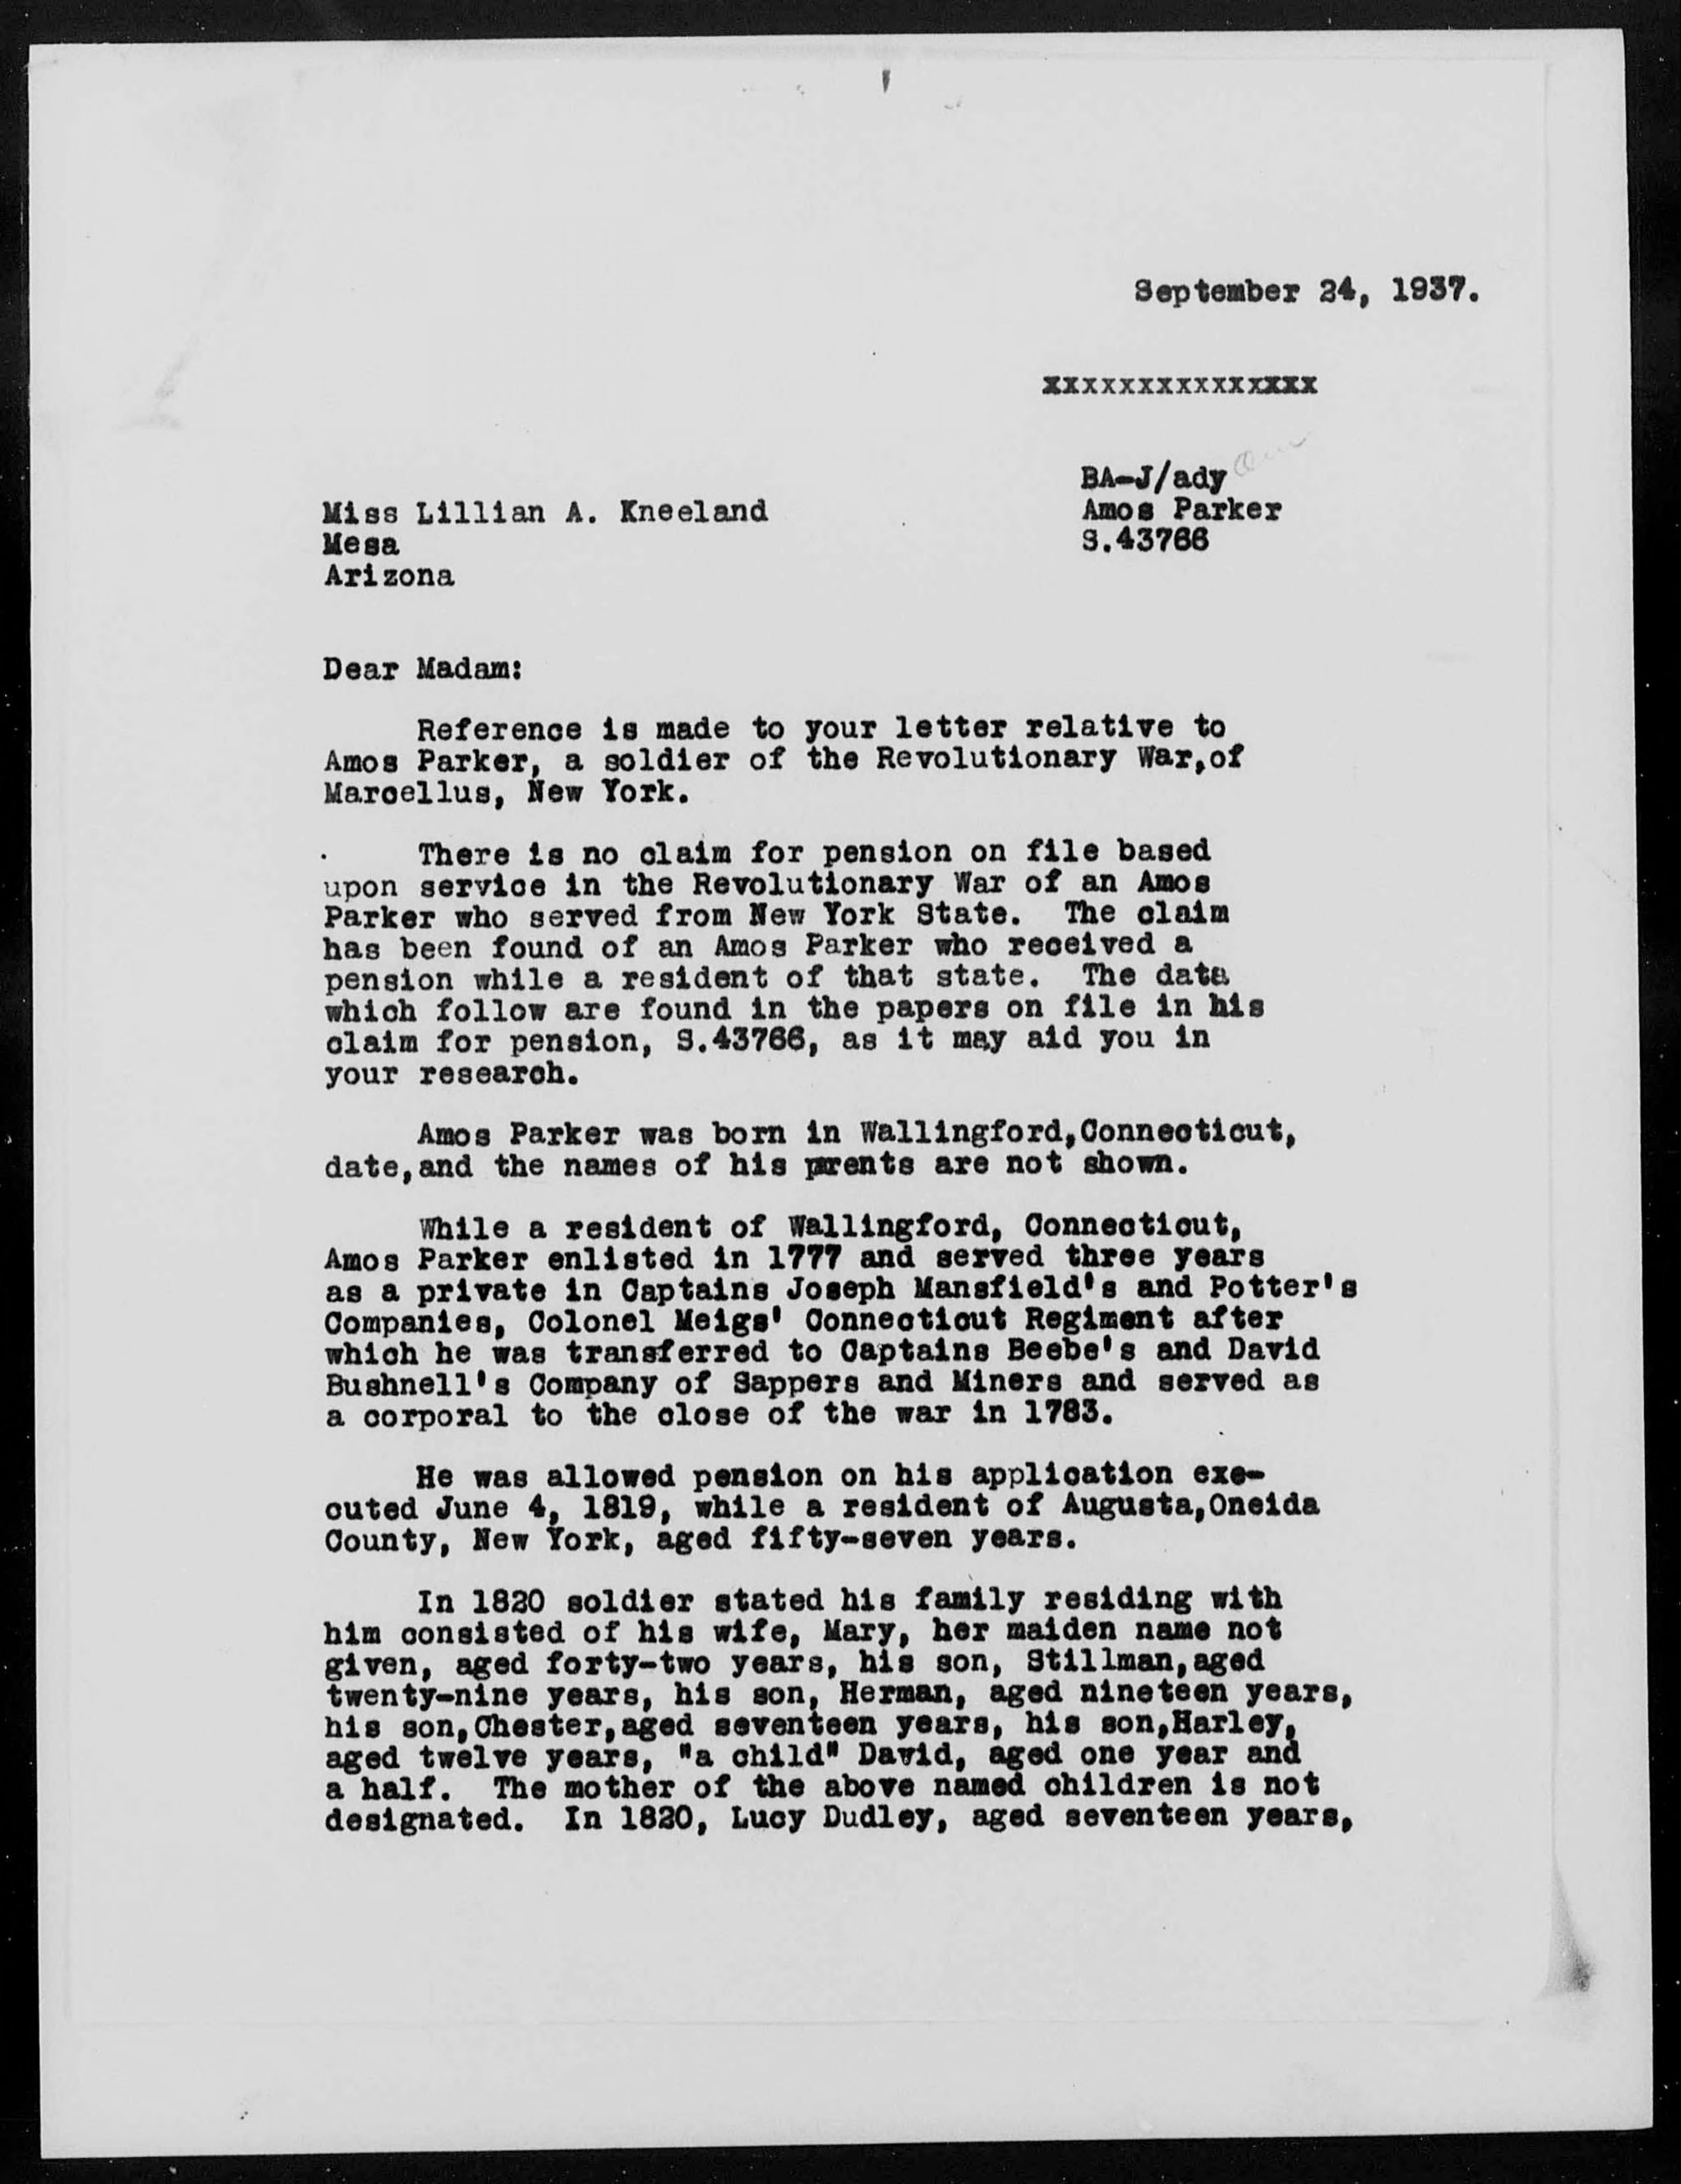September 24, 1937.
BA-J/ady
Amos Parker
S. 43768
Miss Lillian A. Kneeland
Mesa
Arizona
Dear Madam:
Reference is made to your letter relative to
Amos Parker, a soldier of the Revolutionary War, of
Marcellus, New York.
There is no claim for pension on file based
upon service in the Revolutionary War of an Amos
Parker who served from New York State. The claim
has been found of an Amos Parker who received a
pension while a resident of that state. The data
which follow are found in the papers on file in his
claim for pension, S.43766, as it may aid you in
your research.
Amos Parker was born in Wallingford, Connecticut,
date, and the names of his rents are not shown.
While a resident of Wallingford, Connecticut,
date, and the names of his parents are not shown.
While a resident of Wallingford, Connecticut, 
Amos Parker enlisted in 1777 and served three years
as a private in Captains Joseph Mansfield's and Potter's
Companies, Colonel Meigs' Connecticut Regiment after
which he was transferred to Captains Beebe's and David
Bushnell's Company of Sappers and Miners and served as a
corporal to the close of the war in 1783.
He was allowed pension on his application executed
June 4, 1819, while a resident of Augusta, Oneida
County, New York, aged fifty-seven years.
In 1820 soldier stated his family residing with
him consisted of his wife, Mary, her maiden name not
given, aged forty-two years, his son, Stillman, aged
twenty-nine years, his son, Herman, aged nineteen years,
his son, Chester, aged seventeen years, his son, Harley,
aged twelve years, "a child David, aged one year and
a half. The mother of the above named children is not
designated. In 1820, Lucy Dudley, aged seventeen years,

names: Lillian A Kneeland; David [BLANK]; Lucy Dudley; Mary [BLANK]; Amos Parker; Harley [BLANK]; Chester [BLANK]; Herman [BLANK]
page: 11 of 31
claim: survivor's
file: S. 43766, for Amos Parker, Connecticut